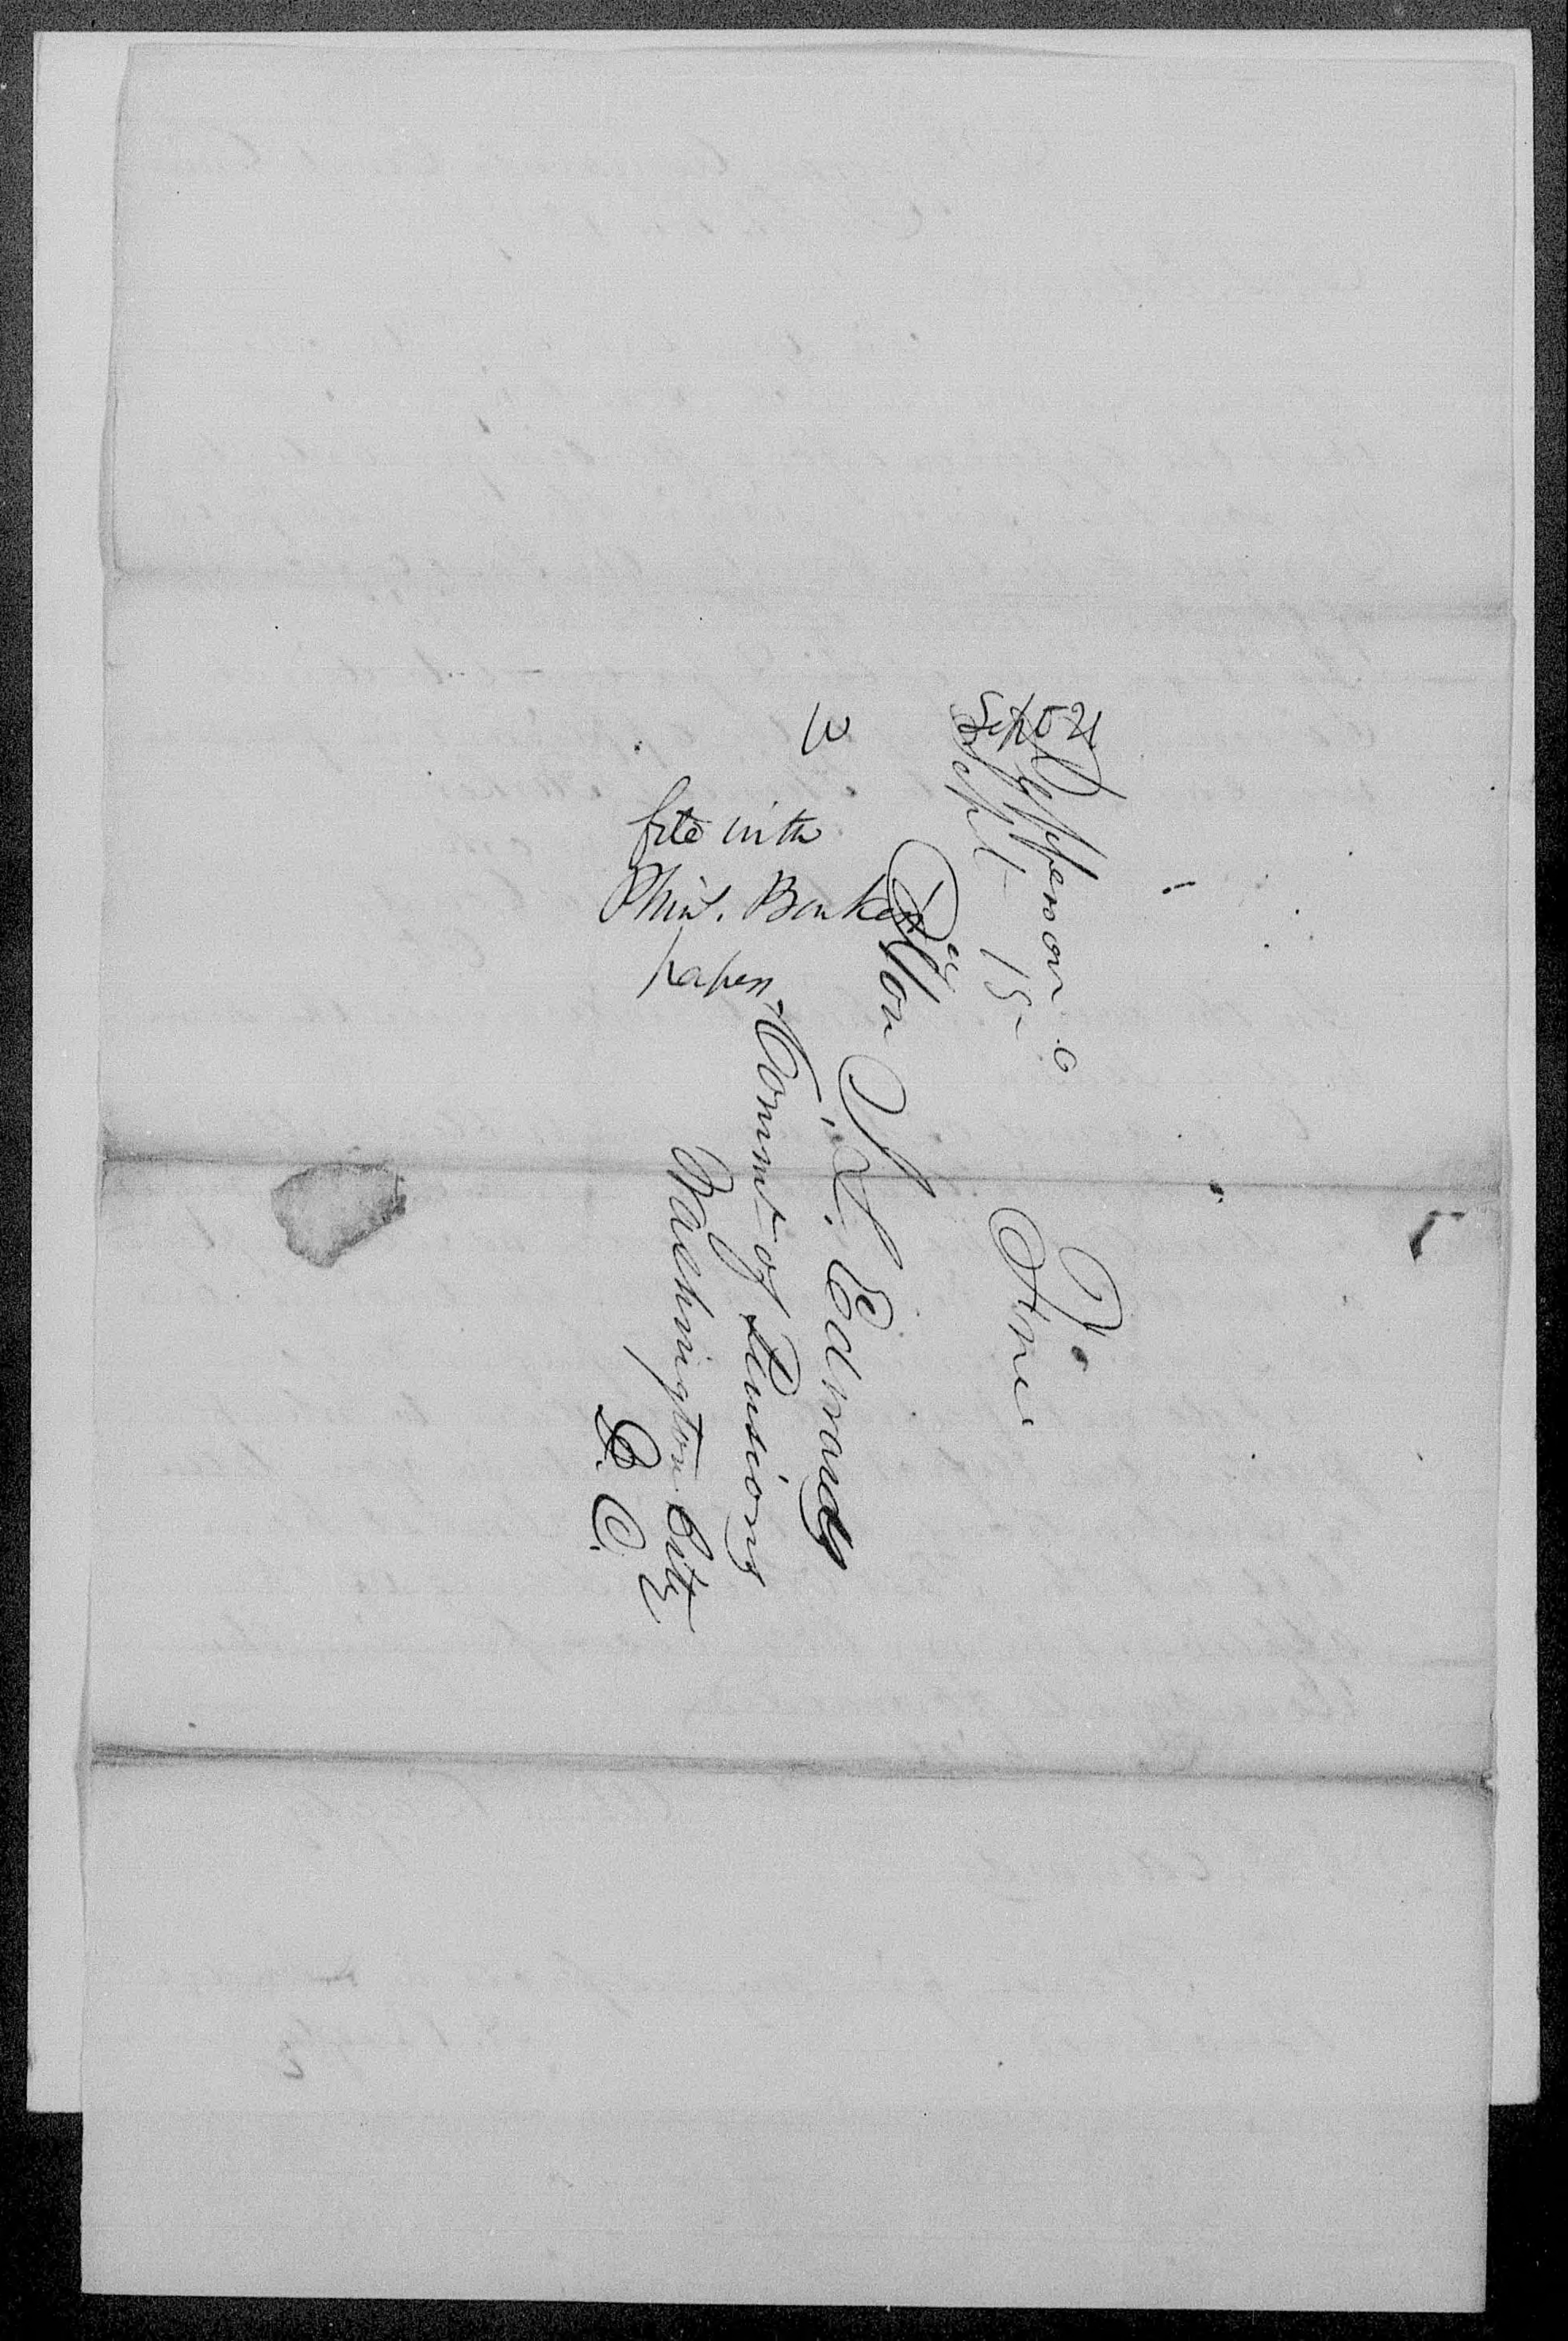W. Sept 21
File with Phineas Barker papers
Jefferson Co
Sept 15
Free
Hon J. L. Edwards
Commr of Pensions
Washington D. C.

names: Phins Barker, J L Edwards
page: 21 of 35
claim: rejected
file: R. 501, Phineas Barker, Conn. Privateer